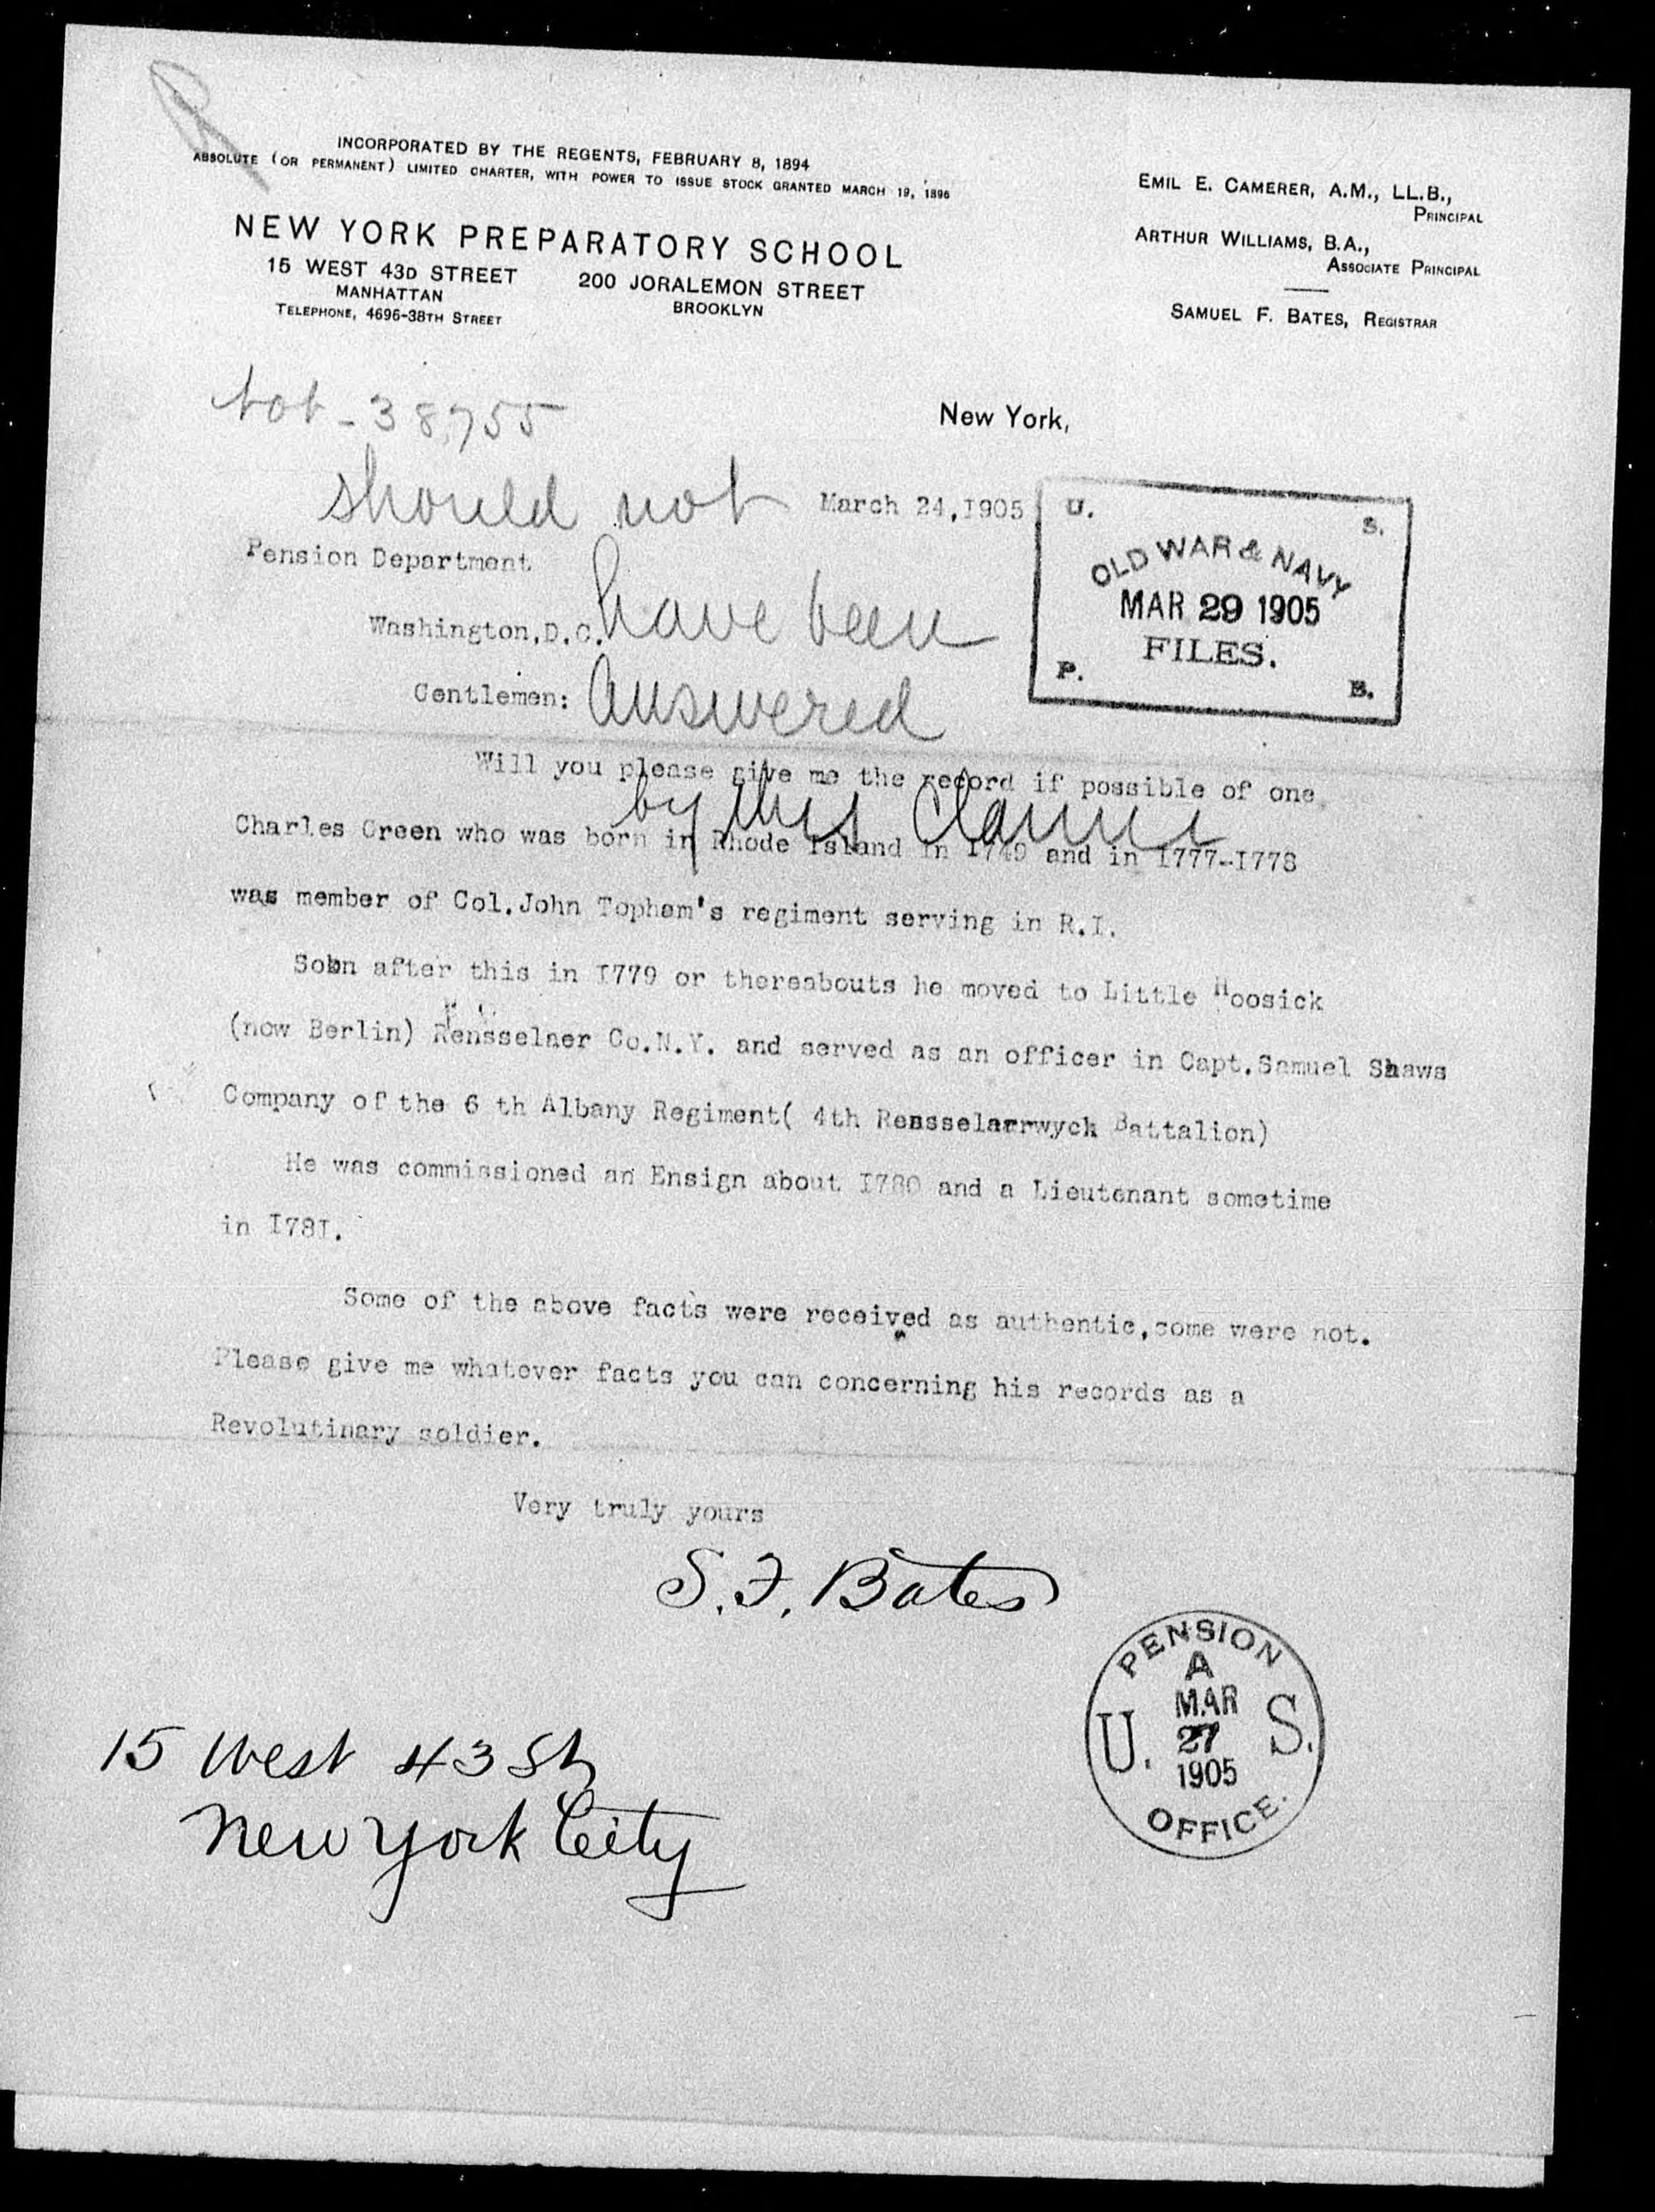Incorporated by the Regents, February 8, 1894
Absolute (or permanent) Limited Charter with power to issue stock granted March 13, 1896

Emil. E. Camerer, AMLL B, Principle
Arthur William, B.A.
Associate Principal
Samuel F. Bates, Registrar

New York Preparatory Schol
15 West 43d Street
Manhattan
Elephone 4696-38th Street

200 Joralemon Street
Brooklyn

New York
March 24, 1905

Pension Departmnet, 
Washington, D.C. 
Gentlemen: 
Will you please give me the record if possibel of one Charles Green who was born in Rhode Island in 1749 and in 1777 - 1776 was member of Col. John Topham's regiment serving in R.I. 

Soon after this in 1779 or thereabouts he moved to LIttle hoosick (now Berlin) Rensselaer Co. N.Y. and served as an officer in Capt. Samuel Shaws Company of the 6th Albany Regiment (4th Resselarwich Battalion)

He was commissioned an ensign about 1780 and a Lieutenant sometime in 1781. 
Some of the above facts were received as authentic, some were not. Please give me whatever facts you can concerning his records as a Revolutionary soldier. 
Very truly yours, 
S.F. Bates
15 West 435th
New York City

[Stamped at the top}
OLD WAR & NAVY 
MAR 29, 1905
FILES

[Handwritten over letter]
Nov. 38.755
Should not have been answered by this claims. 

[Stamped at the bottom]
Mar 27, 1905
Pension Office
US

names: S F Bates, Arthur Williams, Emil E Camerer, Charles Green, Samuel F Bates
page: 16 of 20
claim: survivor's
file: S. 38755, Charles Greene, R.I.